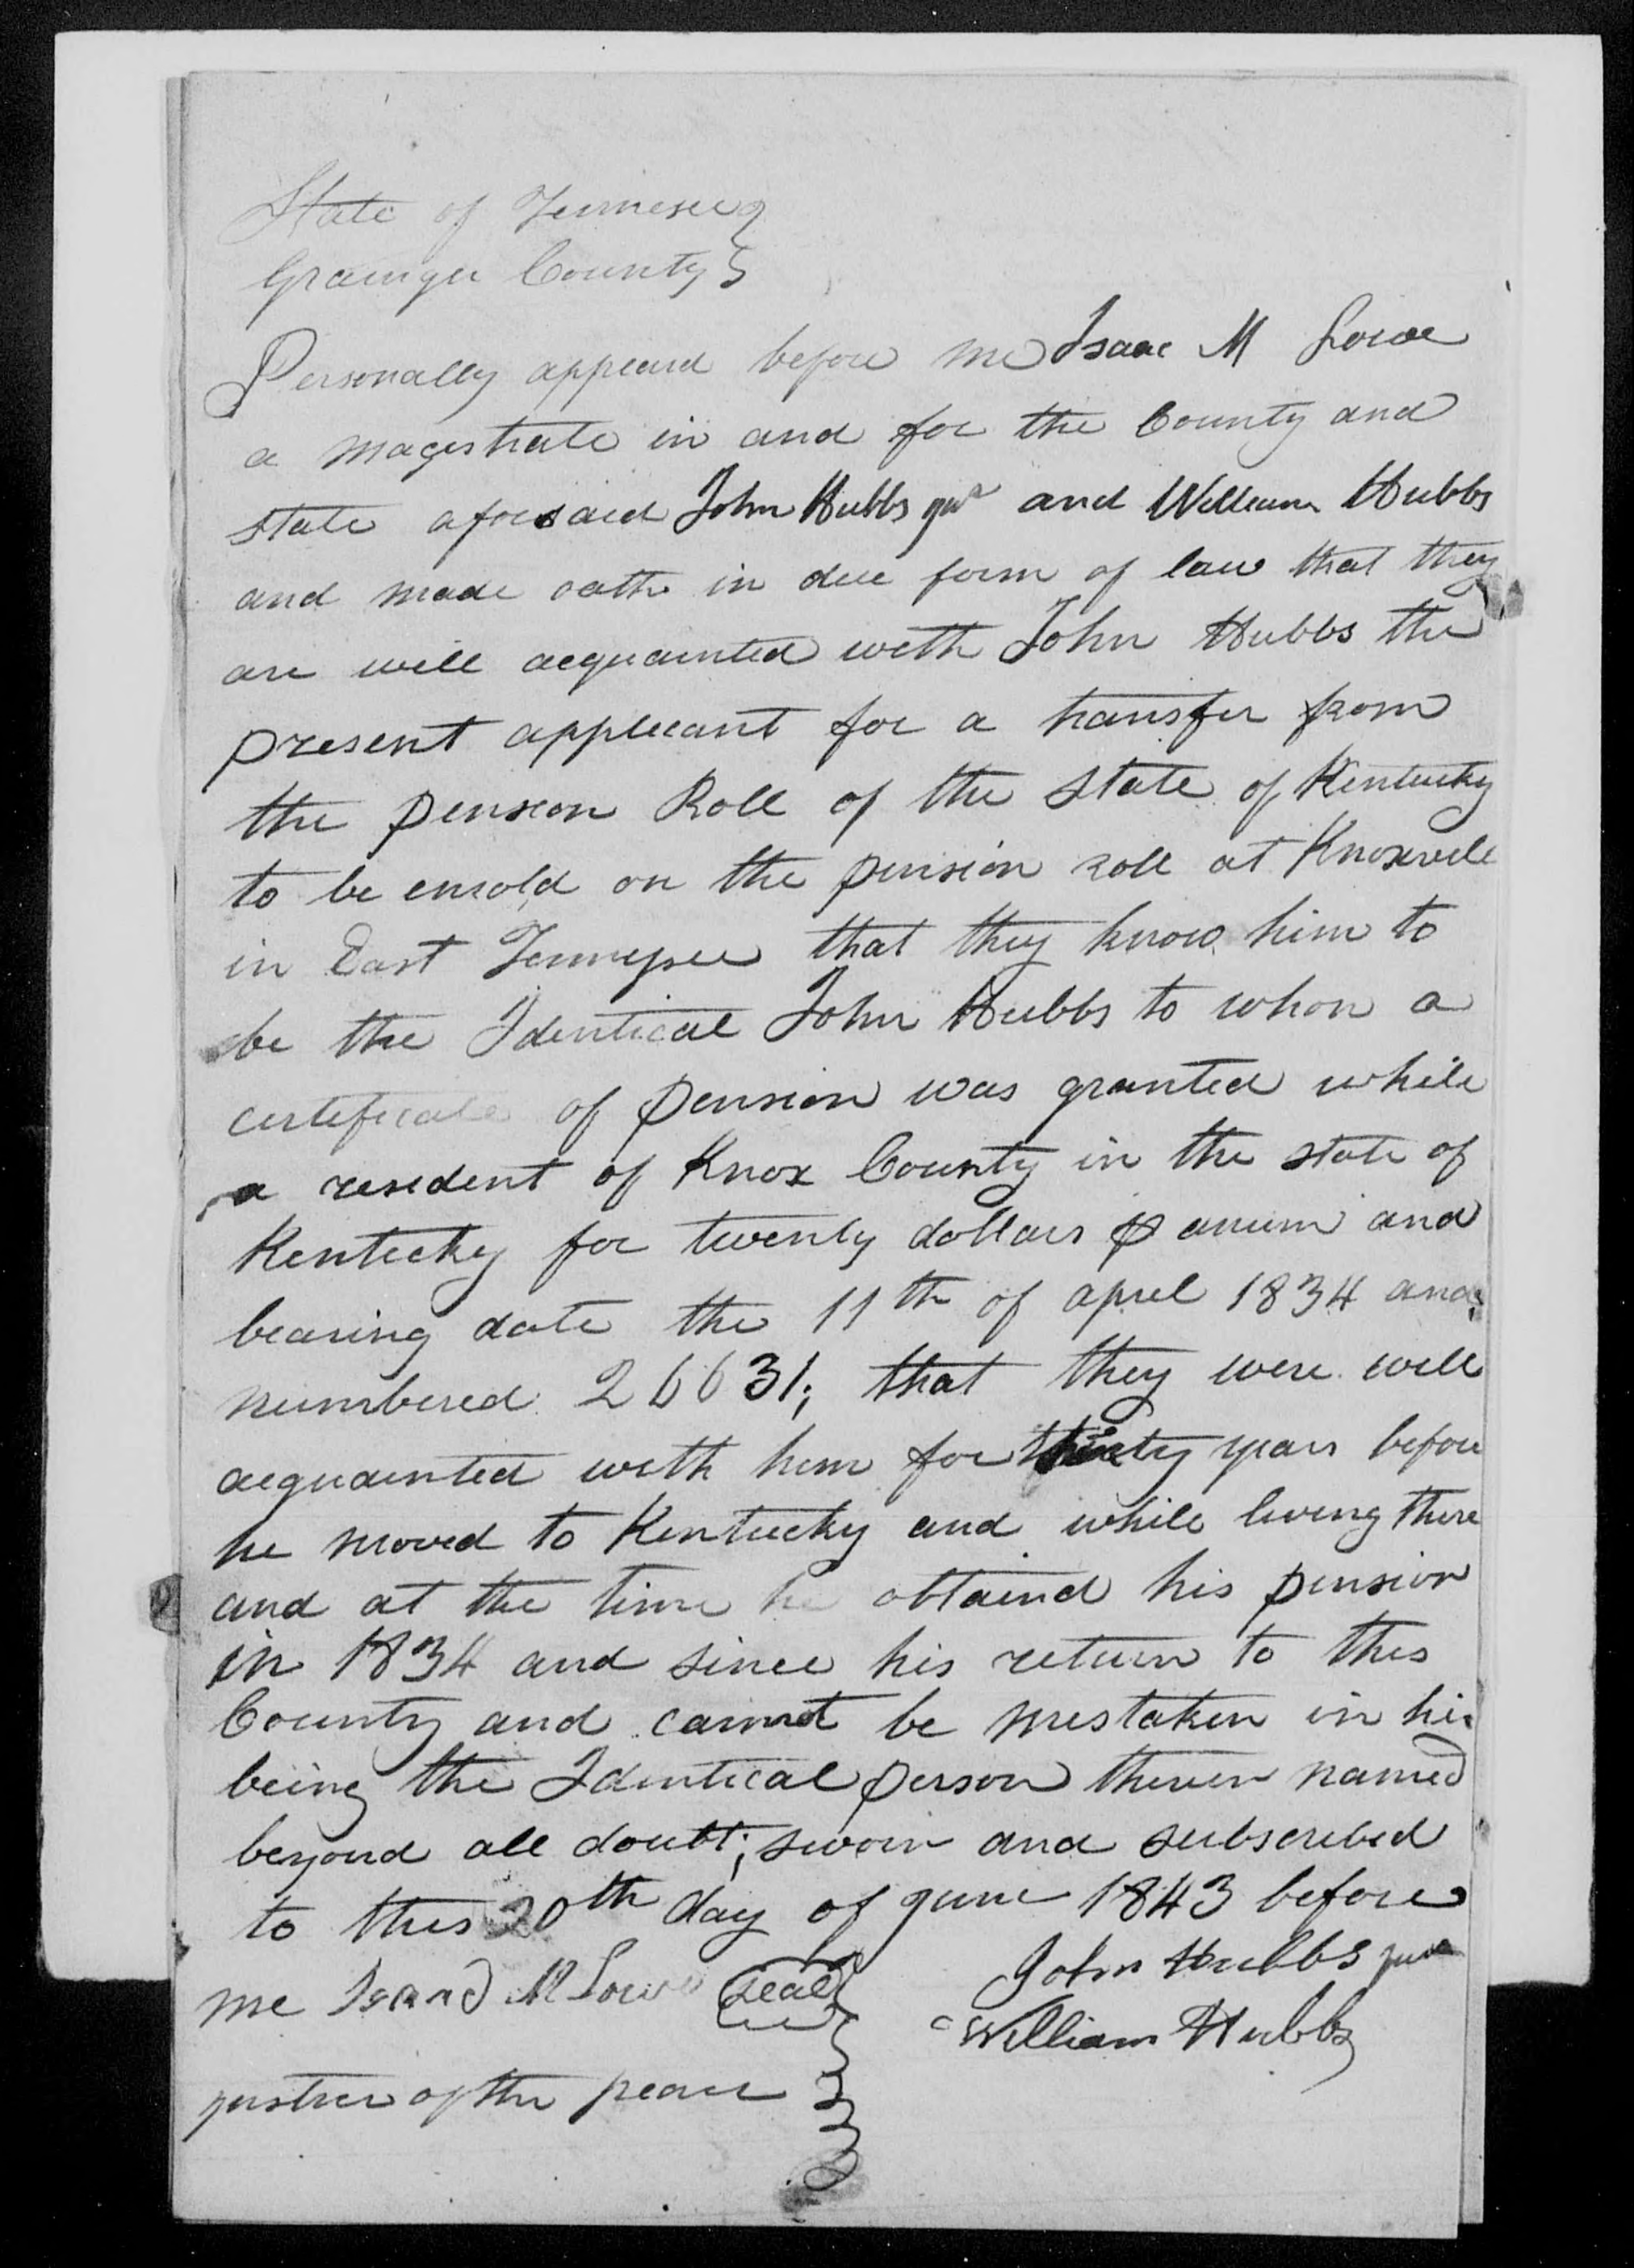State of Tennessee
Grainger County

Personally appeared before me Isaac M Lorde a magistrate in and for the County and State aforesaid John Hubbs jus and William Hubbs and made oaths in due form of law that they are well acquainted with John Hubbs the present applicant for a transfer from the pension Roll of the State of Kentucky to be enrold on the pension Roll at Knoxville in East Tennessee that they know him to be the identical John Hubbs to whom a certificate of Pension was granted while a resident of Knox County in the State of Kentucky for twenty dollars per annum and bearing date the 11th of April 1834 and numbered 26631; that they were well acquainted with him for thirty years before he moved to Kentucky and while living there and at the time he obtained his pension in 1834 and since his return to this County and cannot be mistaken in his being the Identical Person therein named beyond all doubt; sworn and subscribed to this 20th day of June 1843 before me 
Isaac M. Lorde (Seal) 
Justice of the Peace

John Hubbs Jus
William Hubbs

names: Isaac M Lorde, John Hubbs, William Hubbs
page: 73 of 86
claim: widow's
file: W. 1035, John Hubbs, S.C.